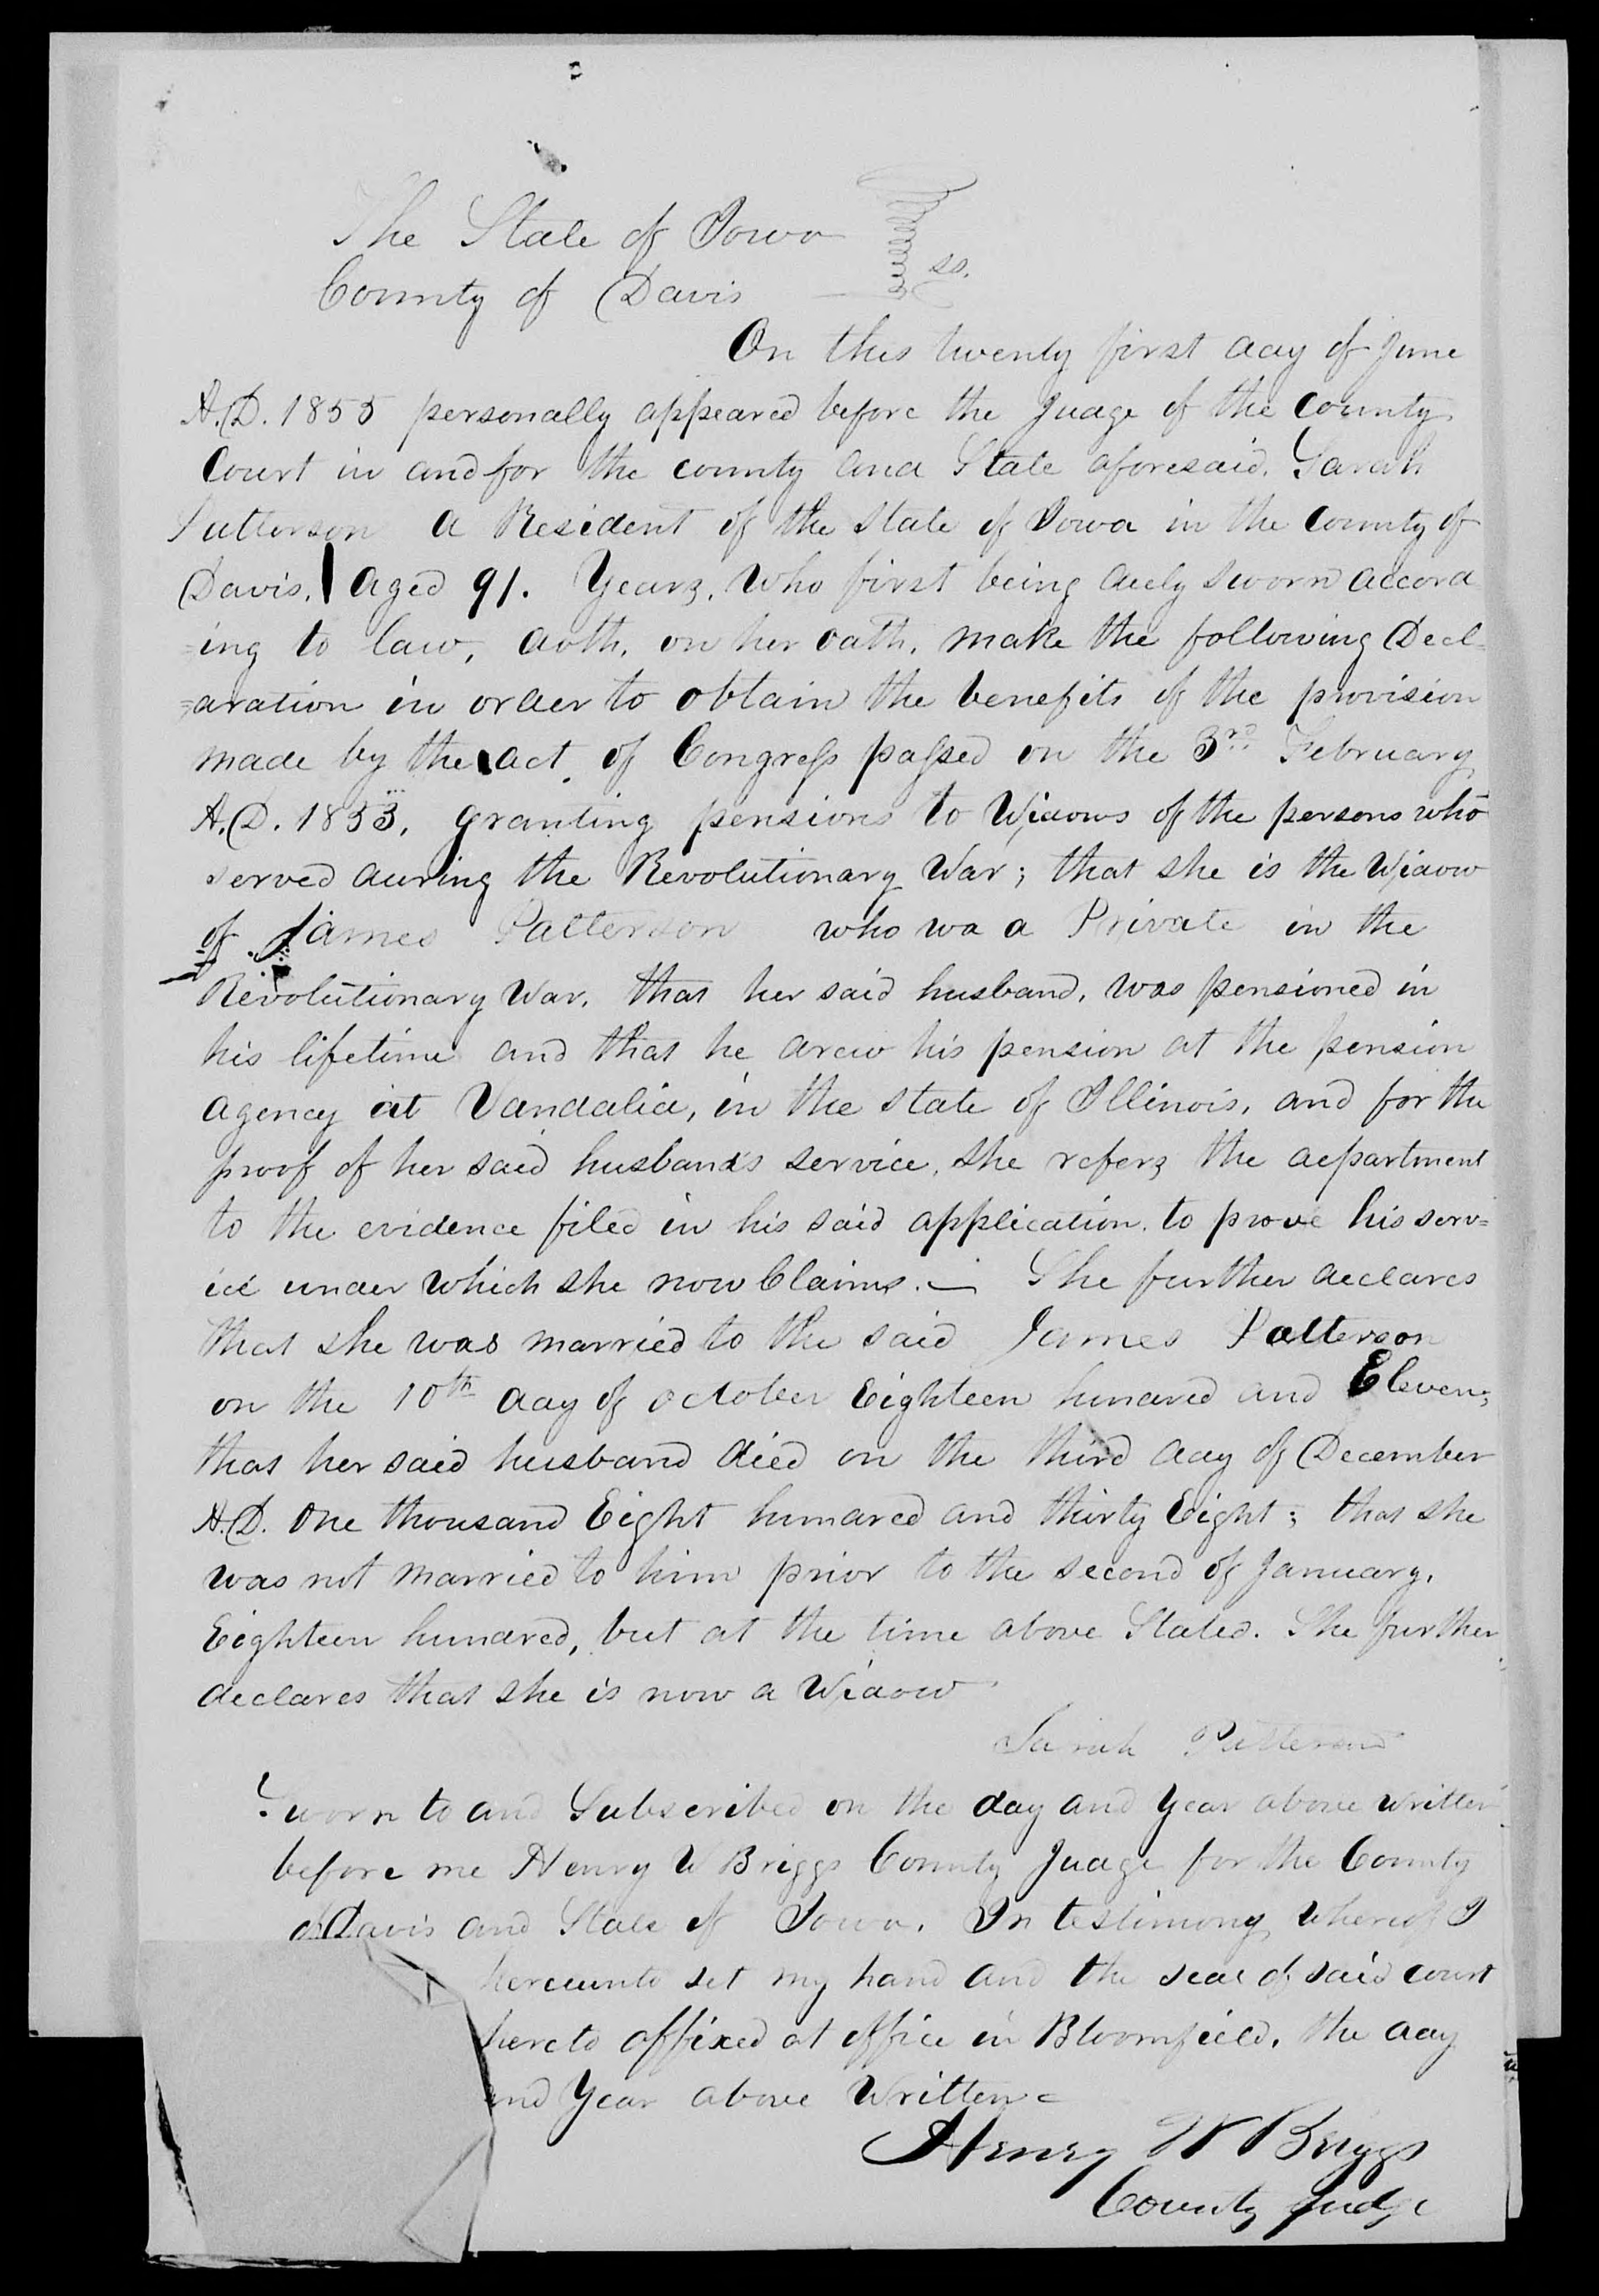The State of Iowa  }
County of Davis   } ss.
On this twenty first day of June A.D. 1855 personally appeared before the Judge of the County, Court in and for the County and State aforesaid, Sarah Patterson a resident of the State of Iowa in the County of Davis, aged 91 years who first being duly sworn according to law, doth, on her oath, make the following Declaration in order to obtain the benefits of the provision made by the act of Congress passed on the 3rd  February A.D. 1853, granting pensions to Widows of the persons who served during the Revolutionary War; that she is the Widow of James Patterson who was a Private in the Revolutionary War, that her said husband, was pensioned in his lifetime and that he drew his pension at the pension Agency at Vandalia, in the State of Illinois, and for the proof of her said husbands service, she refers the department to the evidence filed in his said application to prove his service under which she now claims. She further declares that she was married to the said James Patterson on the 10th day of October Eighteen hundred and Eleven, that her said husband died on the third day of December A.D. One thousand Eight hundred and thirty Eight, that she was not married to him prior to the second of January Eighteen hundred, but at the time above stated. She further declares that she is now a widow. 
Sarah Patterson 
Sworn to and subscribed on the day and year above written before me Henry W Briggs County Judge for the County of Davis and State of Iowa. In testimony whereof I hereunto set my hand and the seal of said Court hereto affixed at office in Bloomfield, the day and year above Written.
Henry W Briggs 
County Judge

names: Henry W Briggs; James Patterson; Sarah Patterson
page: 9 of 69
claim: widow's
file: W. 10861, for James Patterson, North Carolina